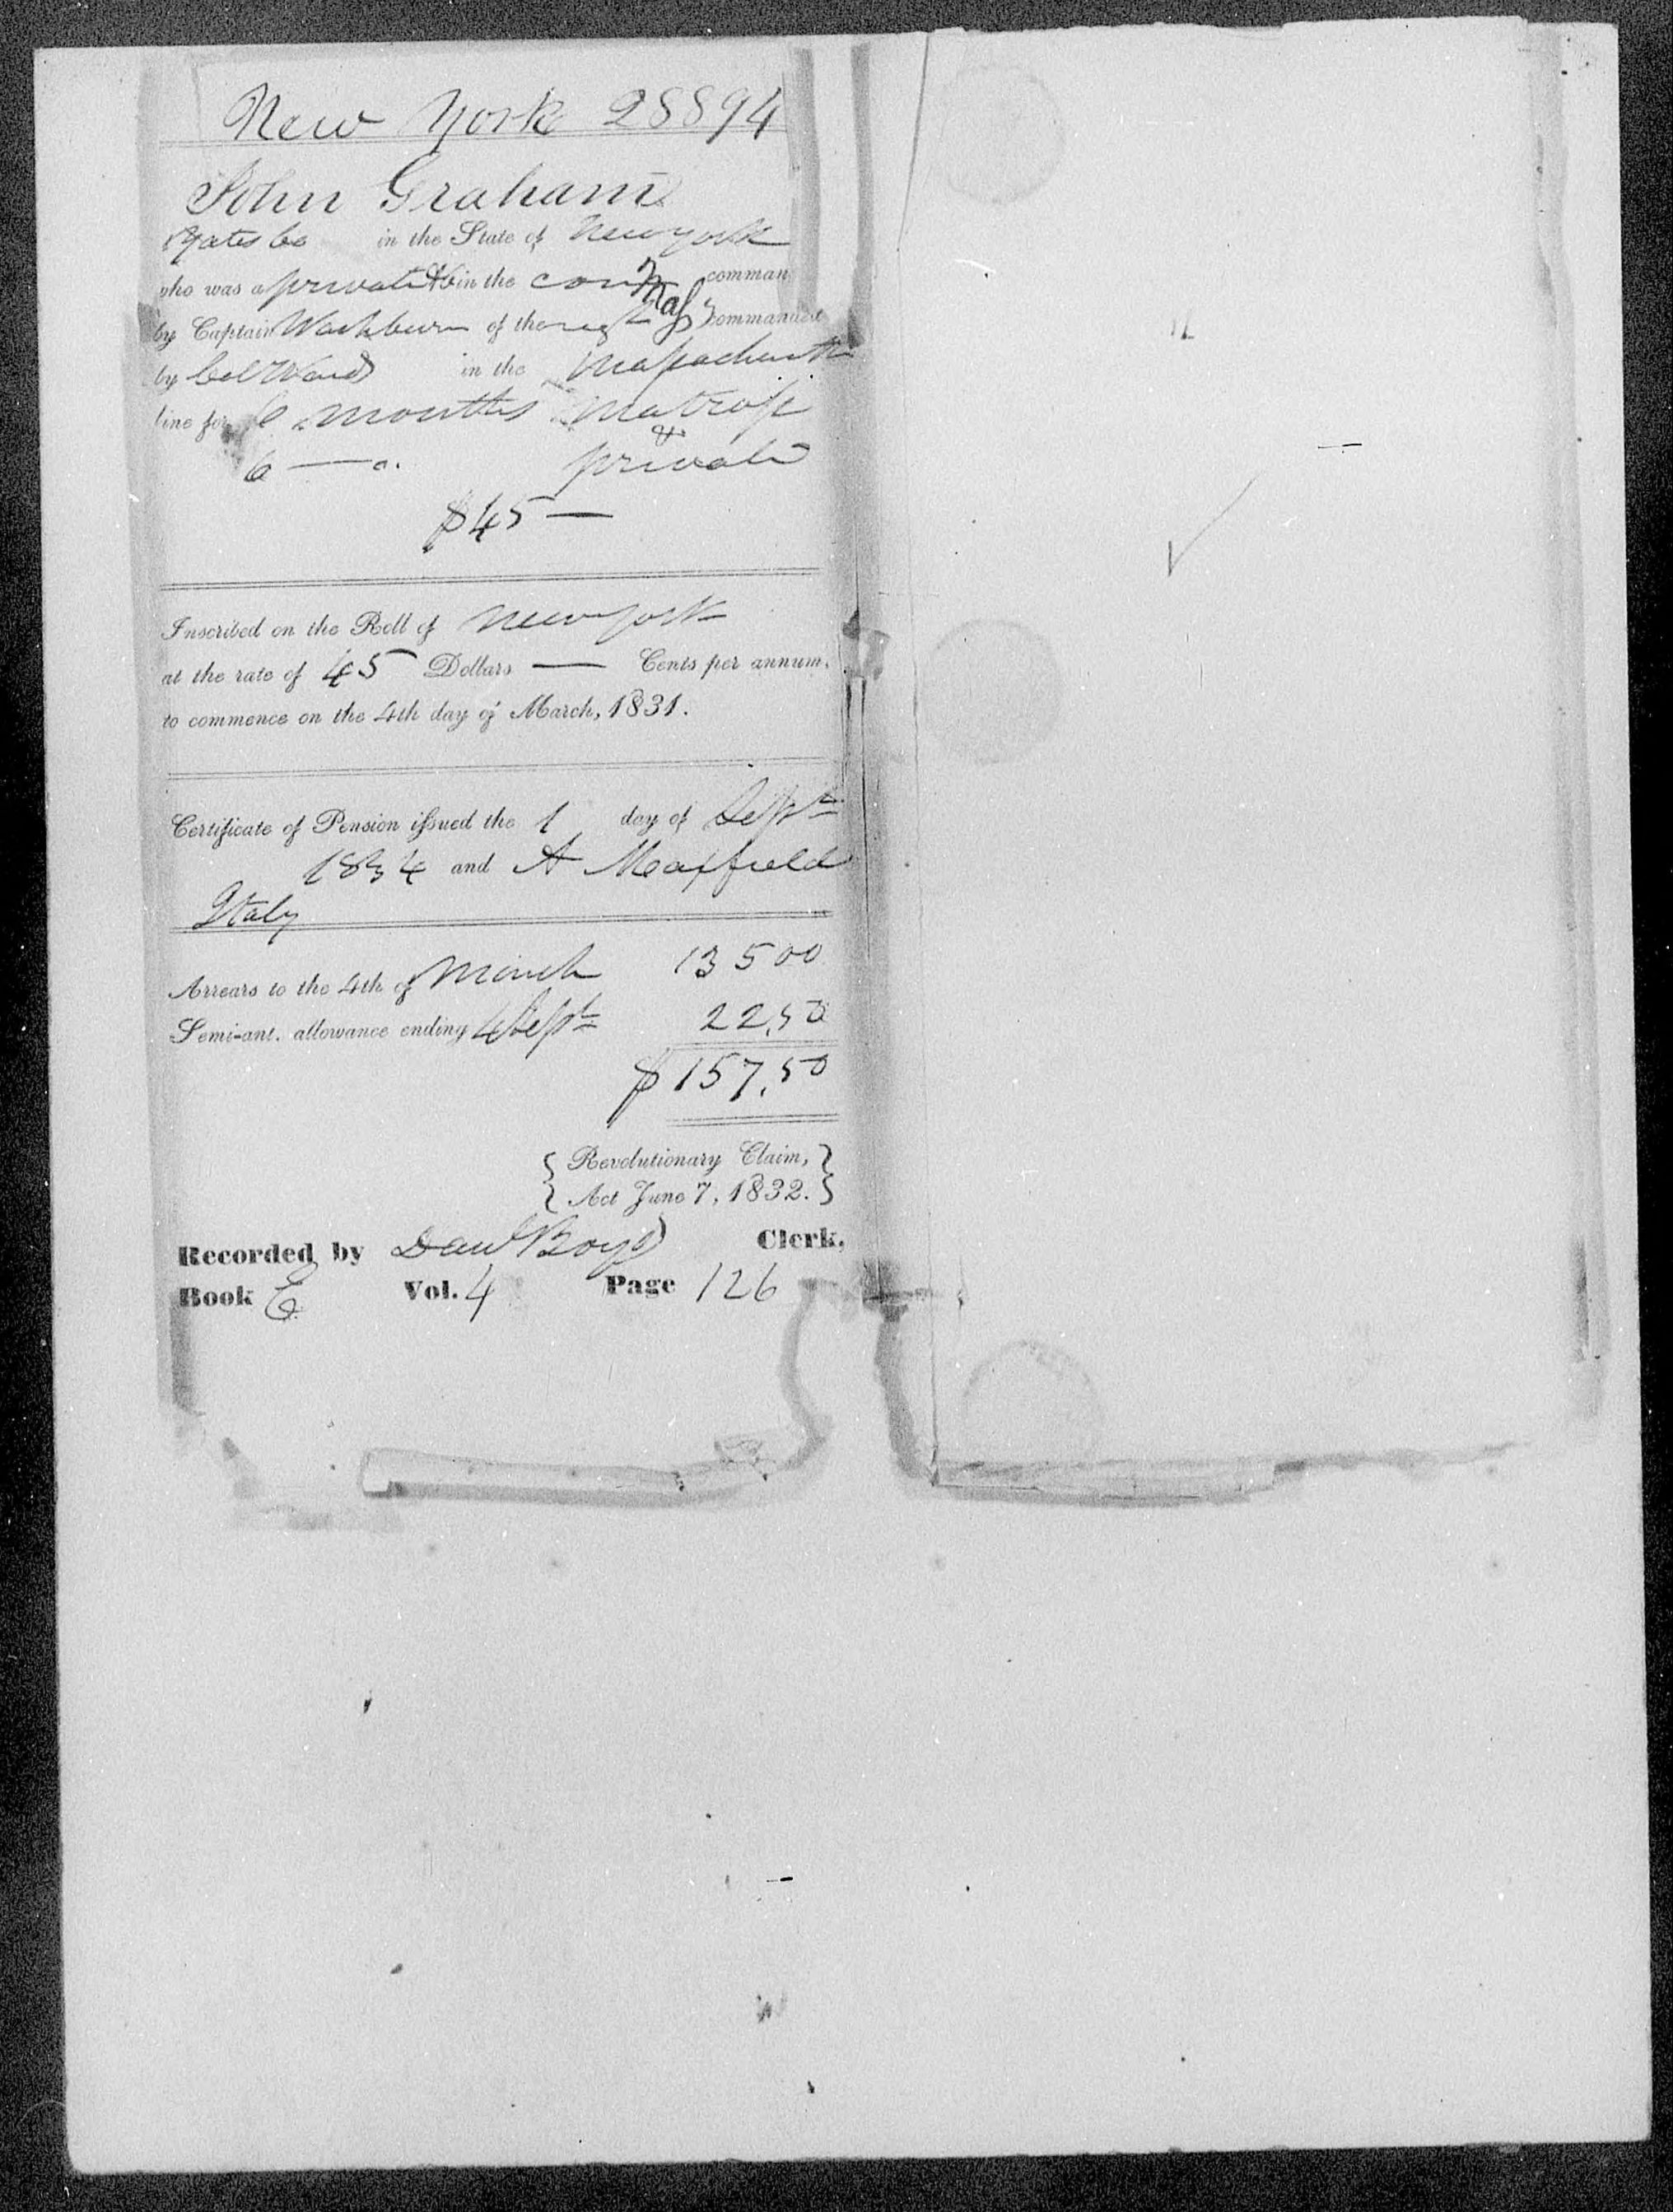New York 28894
John Graham
states be in the State of New York
who was a private & in the company commanded
by Captain Washburn of the regt commanded
by Col Ward
in the Massachusetts
line for 6 months  matross & private
6 -.
$45 -
--------------------
Inscribed on the Roll of New York
at the rate of 45 Dollars ___ Cents per annum.
to commence on the 4th day of March, 1831.
---------------------------------
Certificate of Pension issued the 1 day of Sept 1834 and A. Maxfield
Italy
-------------------
Arrears to the 4th of March              135.00
Semi-ant. allowance ending 4 Sept     22.50
                                                           ---------
                                                          $157.50
                                                        -------------
{Revolutionary Claim,
Act June 7, 1832.}

Recorded by Danl. Boyd      Clerk.
Book E   Vol. 4   Page 126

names: John Graham, A Maxfield, Ward, Danl Boyd, Washburn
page: 2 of 28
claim: survivor's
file: S. 22799, John Graham, Mass